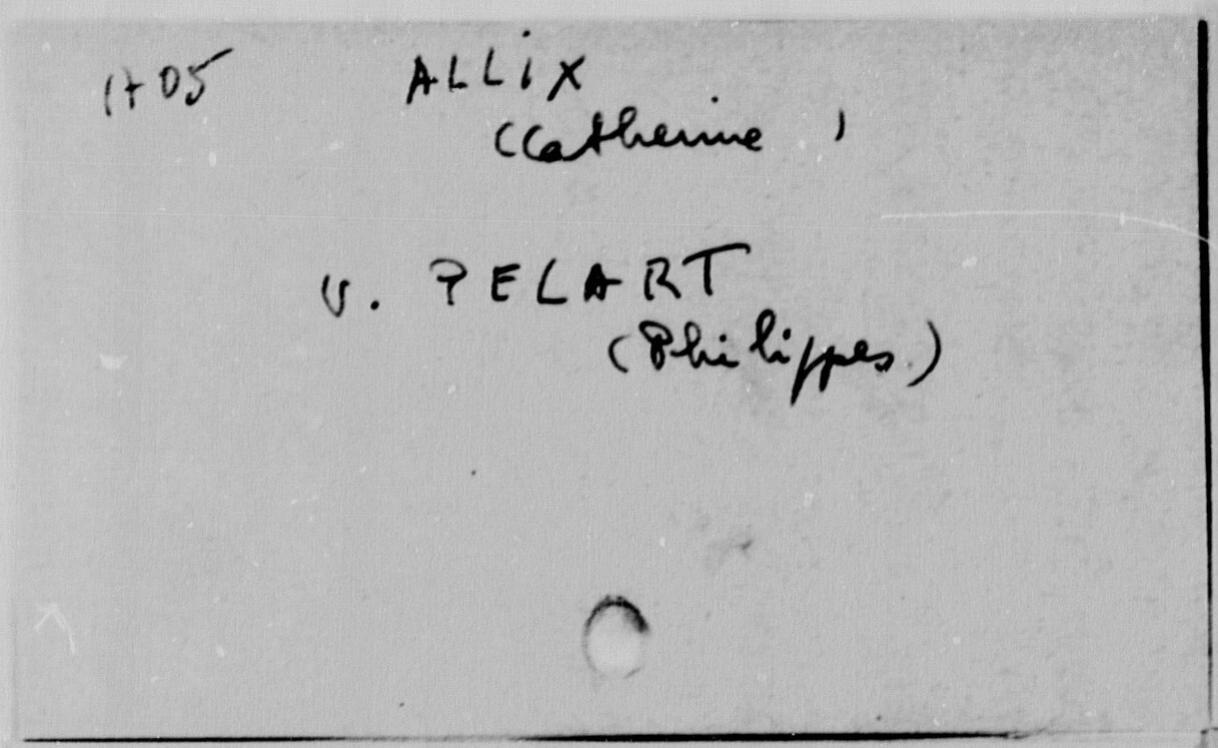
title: ALLIX (Catherine)
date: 1705
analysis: Voir PELLART (Philippes)
